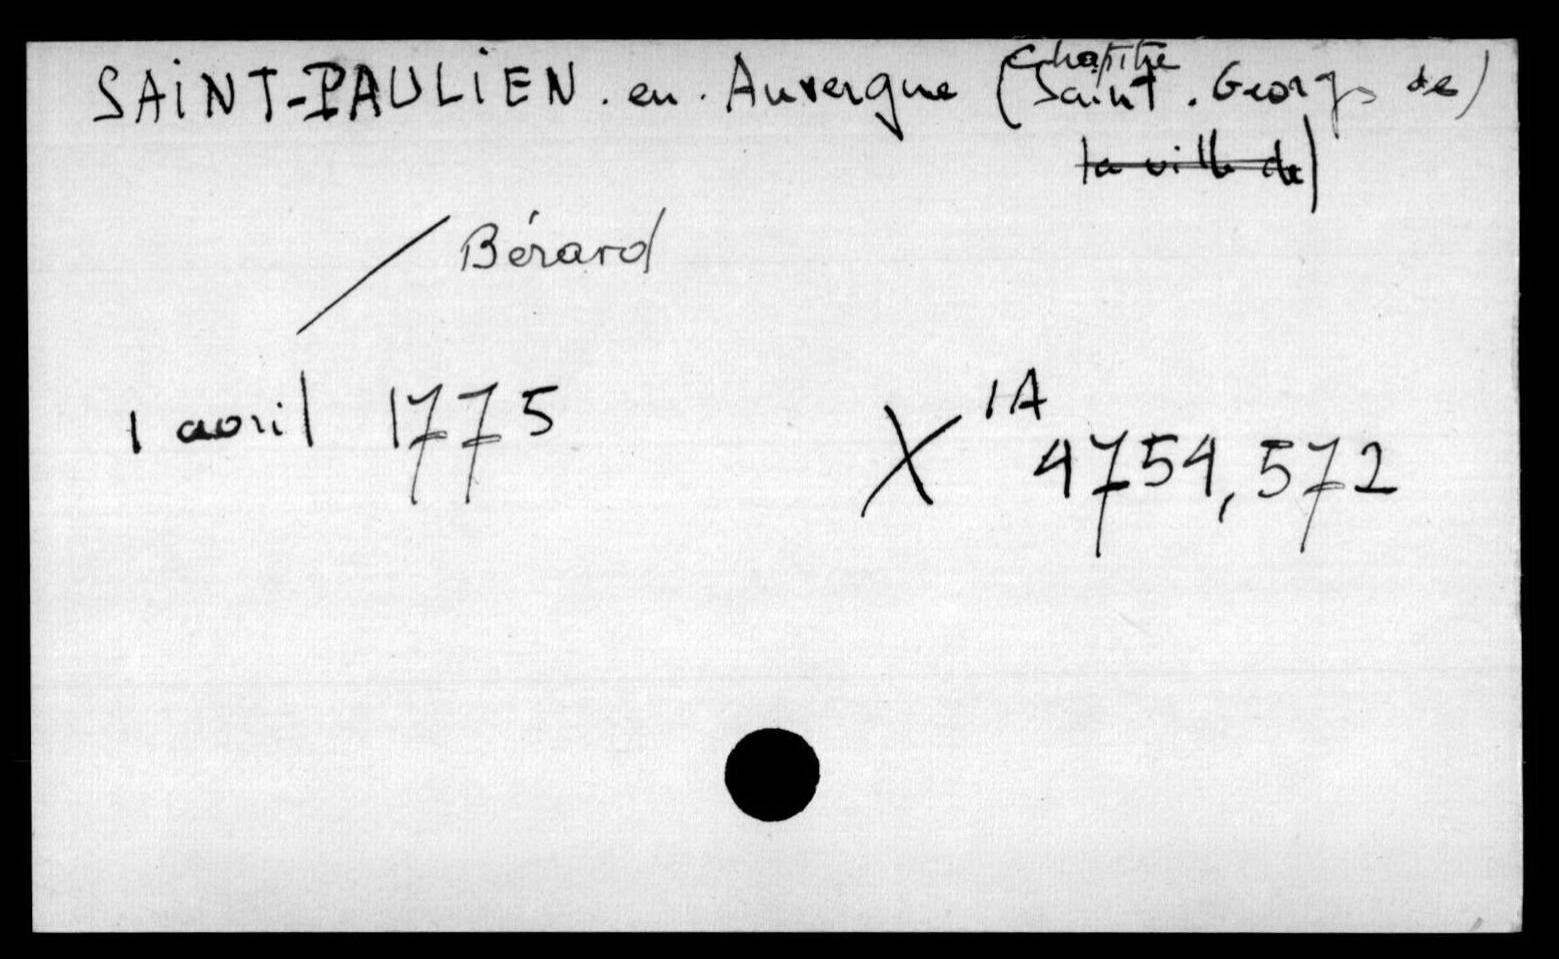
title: SAINT-PAULIEN-en-Auvergne (chapitre Saint-Georges de)
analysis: Contre Bérard
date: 1 avril 1775
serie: X1A
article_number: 4754
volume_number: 572
